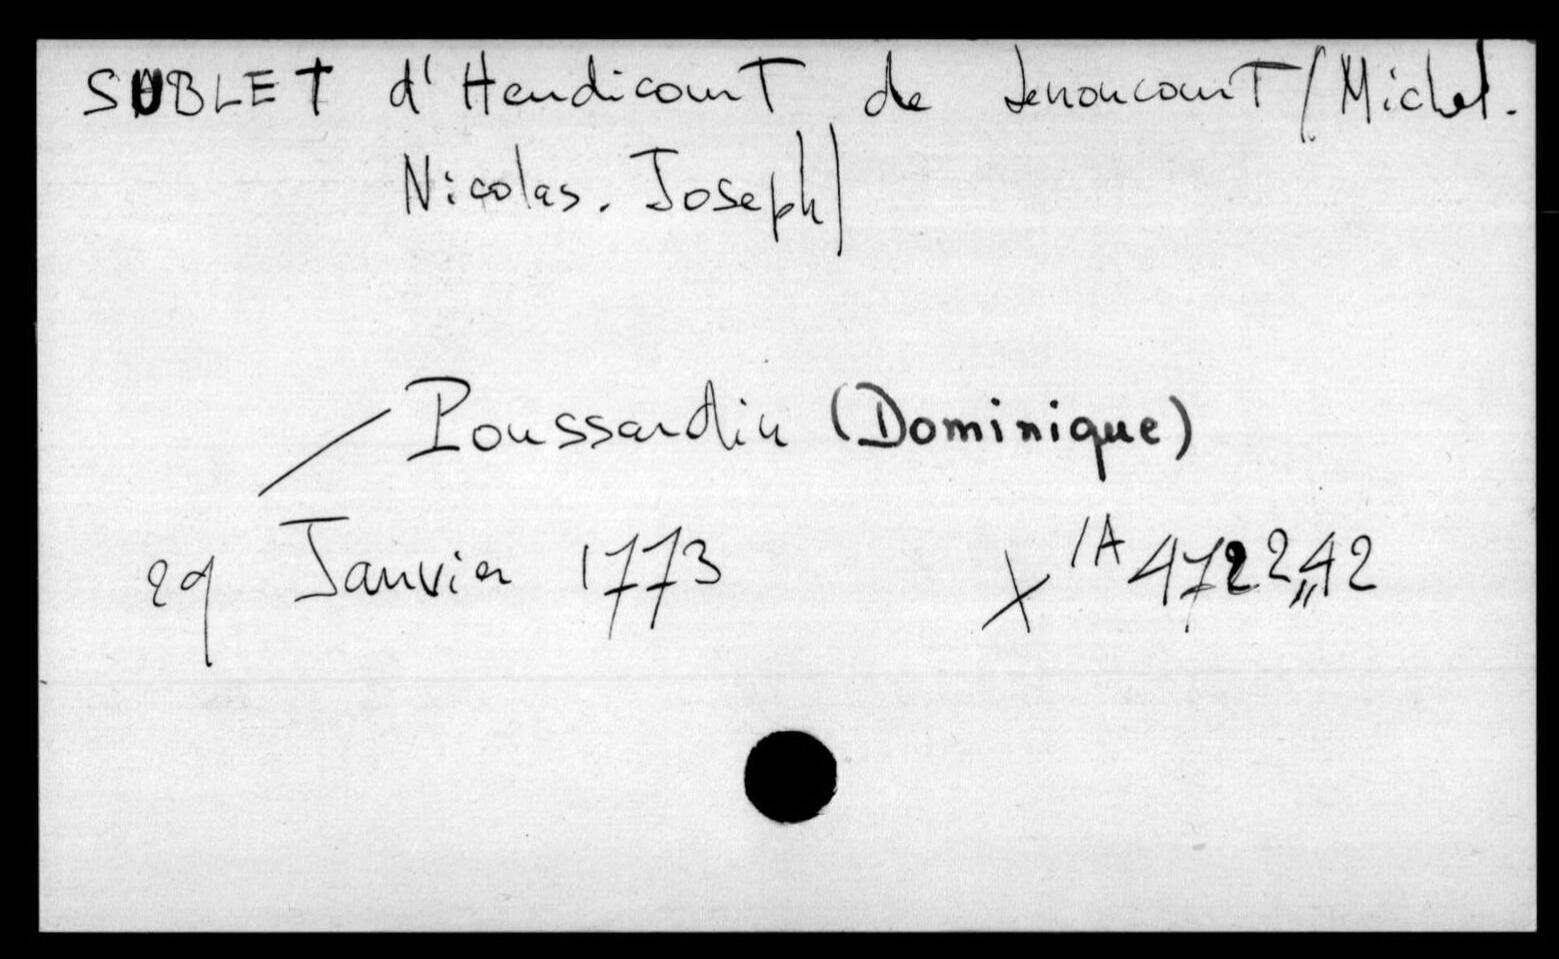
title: SUBLET d'Hendicourt de Lenoncourt (Michel-Nicolas-Joseph)
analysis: Contre Poussardin (Dominique)
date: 29 janvier 1773
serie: X1A
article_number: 4722
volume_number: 42
